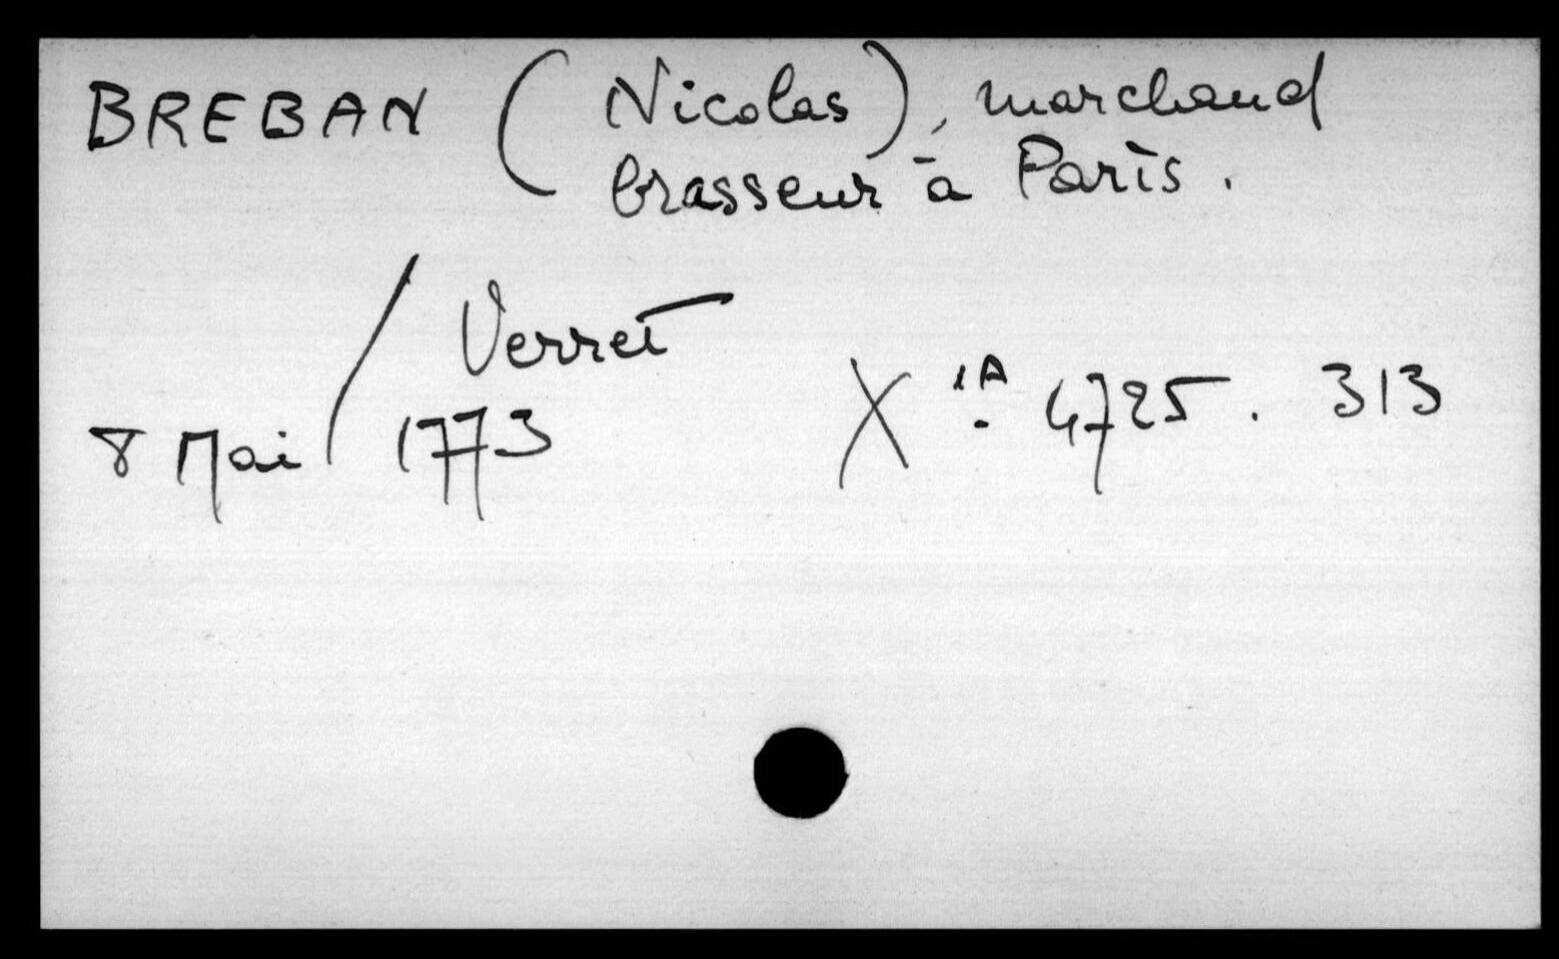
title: BREBAN (Nicolas), marchand brasseur à Paris.
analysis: Contre Verret
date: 8 mai 1773
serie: X1A
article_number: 4725
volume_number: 313
